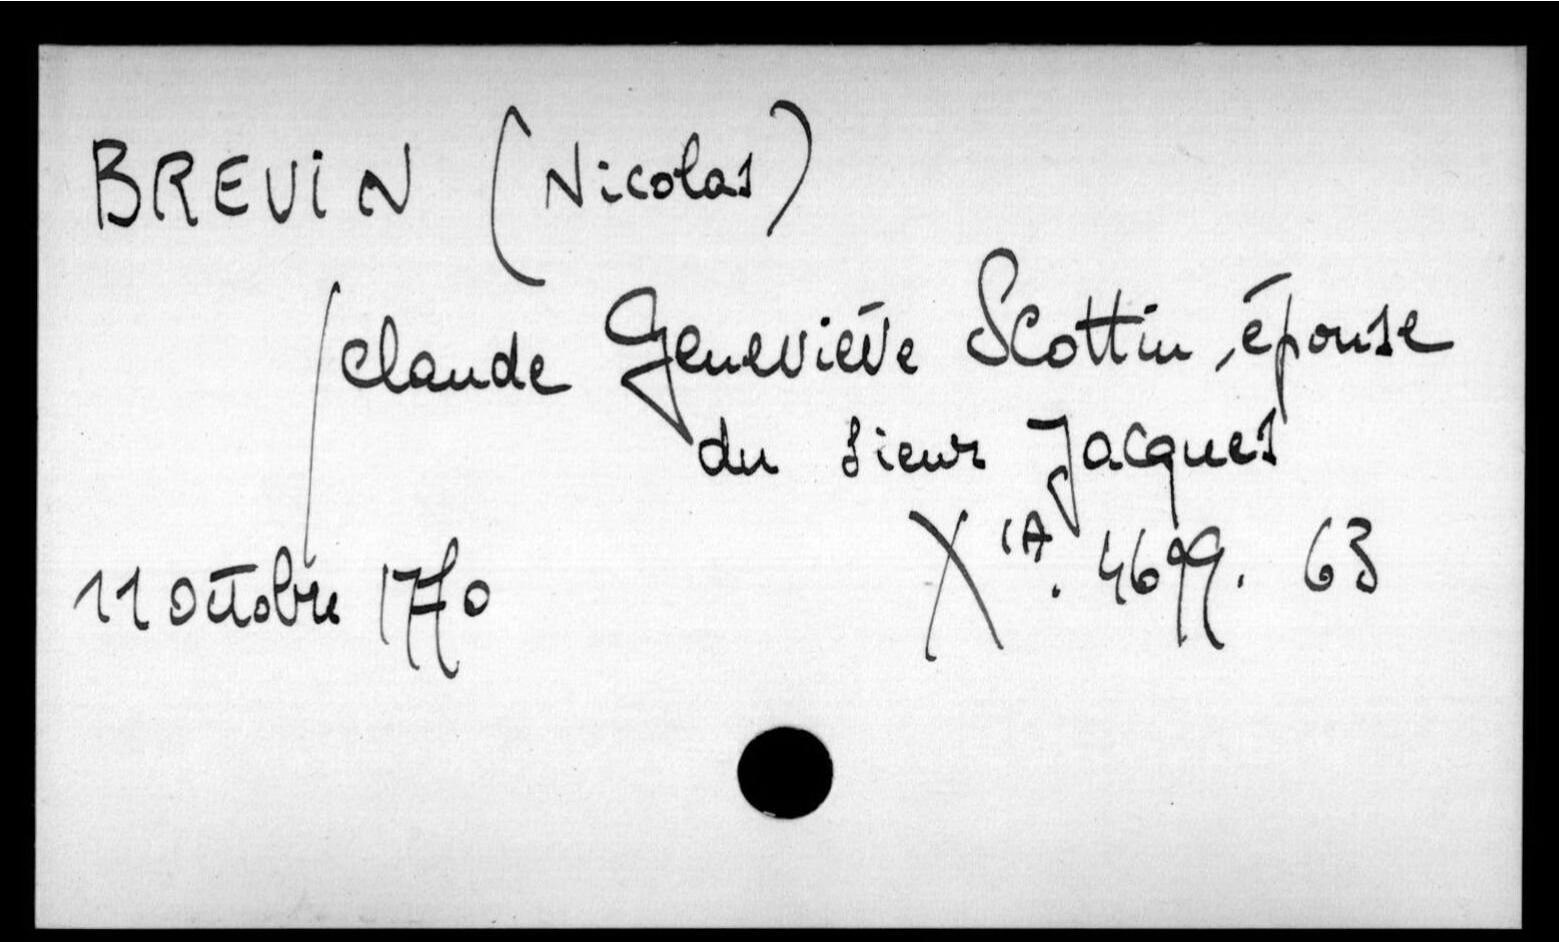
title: BREVIN (Nicolas)
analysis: Contre Claude Geneviève Scottin, épouse du sieur Jacques
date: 11 octobre 1770
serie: X1A
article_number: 4699
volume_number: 63
